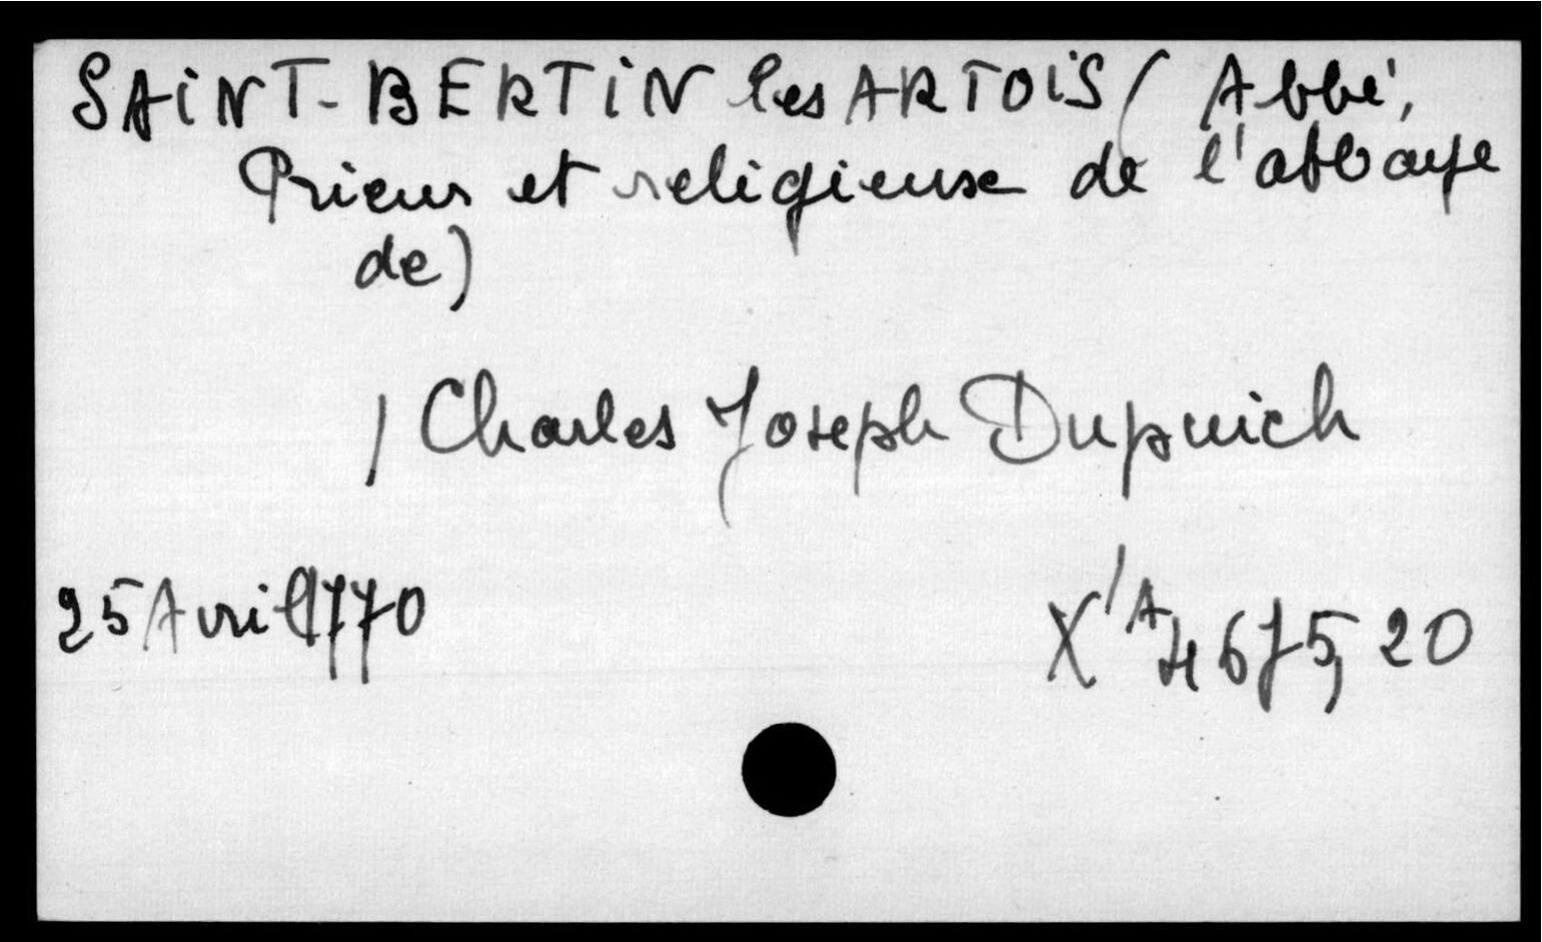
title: SAINT-BERTIN les ARTOIS (Abbé, prieur et religieuse de l'abbaye de)
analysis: Contre Charles Joseph Dupuich
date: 25 avril 1770
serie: X1A
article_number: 4675
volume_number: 20
